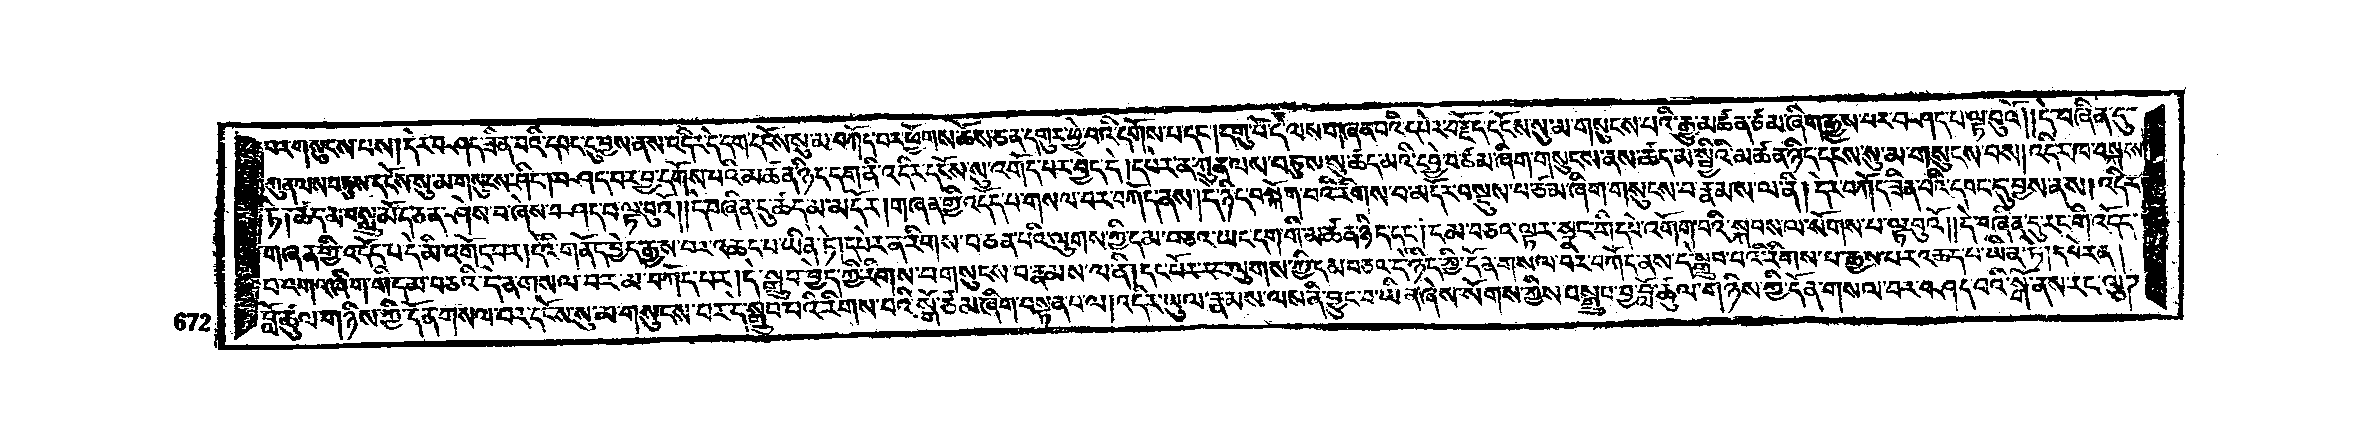བར་གསུངས་པས། དེར་བཤད་ཟིན་པའི་དབང་དུ་བྱས་ནས་འདིར་དེ་དག་དངོས་སུ་མ་བཀོད་པར་ཕྱོགས་ཆོས་ཅན་དགུར་ཕྱེ་བའི་དགོས་པ་དང་། དགུ་པོ་དེ་ལས་གཞན་པའི་དཔེར་བརྗོད་དངོས་སུ་མ་གསུངས་པའི་རྒྱུ་མཚན་ཙམ་ཞིག་རྒྱས་པར་བཤད་པ་ལྟ་བུའོ། །དེ་བཞིན་དུ་
ཀུན་ལས་བཏུས་དངོས་སུ་མ་གསུངས་ཤིང་། བཤད་པར་བྱ་དགོས་པའི་མཚན་ཉིད་དག་ནི་འདིར་དངོས་སུ་འགོད་པར་བྱེད་དེ། དཔེར་ན་ཀུན་ལས་བཏུས་སུ་ཚད་མའི་དབྱེ་བ་ཙམ་ཞིག་གསུངས་ནས་ཚད་མ་སྤྱིའི་མཚན་ཉིད་དངོས་སུ་མ་གསུངས་པས། འདིར་ཁ་བསྐངས་
ཏེ། ཚད་མ་བསླུ་མོད་ཅན་ཤེས་པ་ཞེས་བཤད་པ་ལྟ་བུའོ། །དེ་བཞིན་དུ་ཚད་མ་མདོར། གཞན་གྱི་འདོད་པ་གསལ་བར་བཀོད་ནས། དེ་ཉིད་བསྐོག་པའི་རིགས་པ་མདོར་བསྡུས་པ་ཙམ་ཞིག་གསུངས་པ་རྣམས་ལ་ནི། དེར་བཀོད་ཟིན་པའི་དབང་དུ་བྱས་ནས། འདིར་
གཞན་གྱི་འདོད་པ་དེ་མི་འགོད་པར། དེའི་གནོད་བྱེད་རྒྱས་པར་འཆད་པ་ཡིན་ཏེ། དཔེར་ན་རིགས་པ་ཅན་པའི་ལུགས་ཀྱི་དམ་བཅའ་ཡང་དག་གི་མཚན་ཉིད་དང་། དམ་བཅའ་ལྟར་སྣང་གི་དཔེ་འགོག་པའི་སྐབས་ལ་སོགས་པ་ལྟ་བུའོ། །དེ་བཞིན་དུ་རང་གི་འདོད་
པ་འགའ་ཞིག་གི་དམ་བཅའི་དེ་ན་གསལ་བར་མ་བཀོད་པར། དེ་སྒྲུབ་བྱེད་ཀྱི་རིགས་པ་གསུངས་པ་རྣམས་ལ་ནི། དང་པོར་རང་ལུགས་ཀྱི་དམ་བཅའ་དེ་ཉིད་ཀྱི་དོན་གསལ་བར་བཀོད་ནས་དེ་སྒྲུབ་པའི་རིགས་པ་རྒྱས་པར་འཆད་པ་ཡིན་ཏེ། དཔེར་ན།
བློ་ཚུལ་གཉིས་ཀྱི་དོན་གསལ་བར་དངོས་སུ་མ་གསུངས་པར་དེ་སྒྲུབ་པའི་རིགས་པའི་སྒོ་ཙམ་ཞིག་བསྟན་པ་ལ། འདིར་ཡུལ་རྣམས་ལས་ནི་བྱུང་བ་ཡིན་ཞེས་སོགས་ཀྱིས་བསྒྲུབ་བྱ་བློ་ཚུལ་གཉིས་ཀྱི་དོན་གསལ་བར་བཤད་པའི་སྒོ་ནས་རང་ལྕགས་